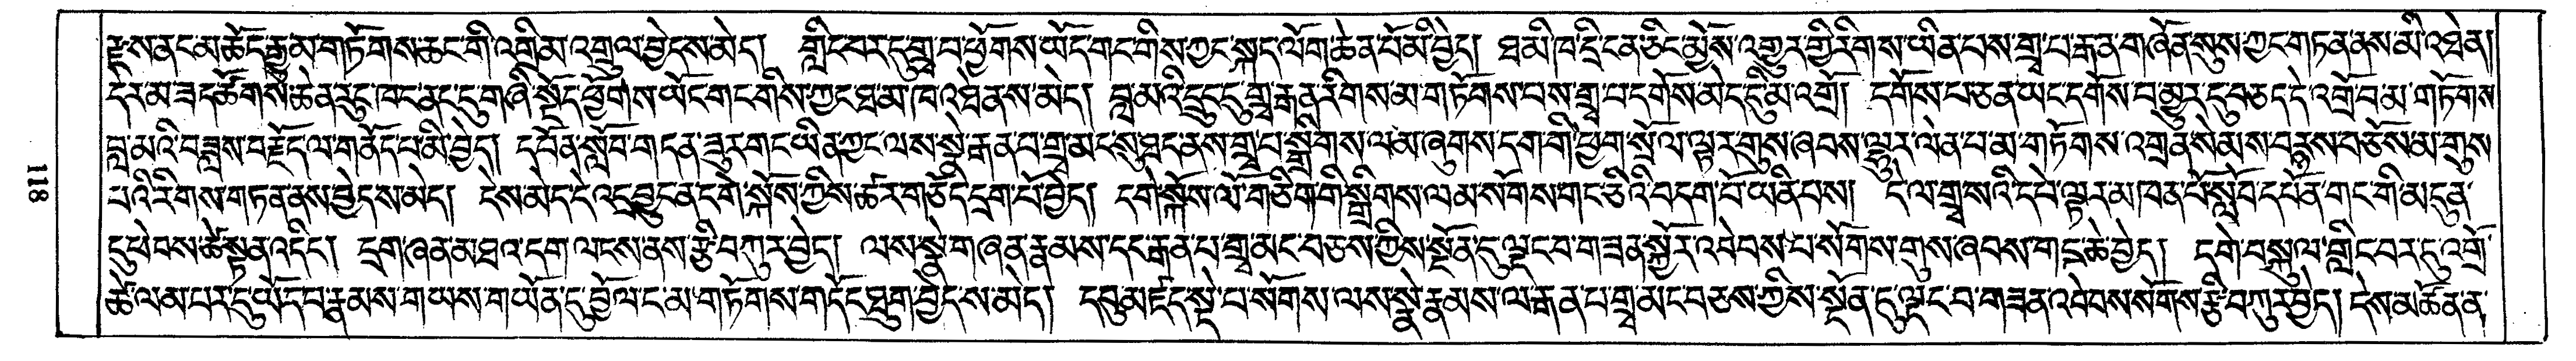རྫས་ནང་མཆོད་རྒྱུ་མ་གཏོགས་ཆང་གི་འགྲིམ་འགྲུལ་བྱེད་ས་མེད། གླིང་བར་དུ་གྲྭ་པ་ཕྱོགས་ཡོང་གང་གིས་ཀྱང་སྐད་ལོག་ཆེན་པོ་མི་བྱེད། ཐ་མི་ཁ་དྲི་ངན་ཅིང་མྱོས་འགྱུར་གྱི་རིགས་ཡིན་པས་གྲྭ་པ་རྒན་གཞོན་སུས་ཀྱང་གཏན་ནས་མི་འཐེན།
དེར་མ་ཟད་ཚོགས་ཆེན་རུང་ཁང་ནང་དུ་གཞི་སྡོང་ཕྱོགས་ཡོང་གང་གིས་ཀྱང་ཐ་མ་ཁ་འཐེན་ས་མེད། བླ་མའི་དྲུང་དུ་གྲྭ་རྒན་རིགས་མ་གཏོགས་པས་གྲྭ་པ་དགོས་མེད་དུ་མི་འགྲོ། དགོས་པ་ཅན་ཡང་དགོས་པ་མྱུར་དུ་བཅད་དེ་འགྲོ་བ་མ་གཏོགས་
བླ་མའི་བཟླས་བརྗོད་ལ་གནོད་པ་མི་བྱེད། དཔོན་སློབ་གདན་ཟུར་གང་ཡིན་ཀྱང་ལས་སྣེ་རྒན་པ་གྲྭ་མང་སུ་ཐད་ནས་གྲྭ་བ་སྒྲིགས་ལམ་ཞུགས་དག་གི་ཕྱག་སྲོལ་ལྟར་གུས་ཞབས་ལྷུར་ལེན་པ་མ་གཏོགས་འགྲན་སེམས་བརྙས་བཅོས་མ་གུས་
པའི་རིགས་གཏན་ནས་བྱེད་ས་མེད། ངེས་མེད་དེ་འདྲ་བྱུང་ན་དགེ་སྐོས་ཀྱིས་ཚར་གཅོད་དྭག་པོ་བྱེད། དགེ་སྐོས་ལོ་གཅིག་གི་སྒྲིགས་ལམ་སོགས་གང་ཅིའི་བདག་པོ་ཡིན་པས། དེ་ལ་གྲྭ་སའི་དཔེ་ལྟར་མཁན་པོ་སློབ་དཔོན་གང་གི་མདུན་
དུ་ཕེབས་ཚེ་སྟན་འདིང་། དྲག་ཞན་མཐའ་དག་ལངས་ནས་རྩི་བཀུར་བྱེད། ལས་སྣེ་གཞན་རྣམས་དང་རྒན་པ་གྲྭ་མང་བཅས་ཀྱིས་སྔོན་དུ་ལྡང་བ་གཟན་སྐྱོར་འབེབས་པ་སོགས་གུས་ཞབས་གང་ཆེ་བྱེད། དགེ་བསྐུལ་གླིང་བར་དུ་འགྲོ་
ཚེ་ལམ་བར་དུ་ཡོད་པ་རྣམས་གཡས་གཡོན་དུ་བྱོལ་བ་མ་གཏོགས་གདོང་ཐུག་བྱེད་ས་མེད། དབུ་མཛད་སྡེ་པ་སོགས་ལས་སྣེ་རྣམས་ལ་རྒན་པ་གྲྭ་མང་བཅས་ཀྱིས་སྔོན་དུ་ལྡང་བ་གཟན་འབེབས་སོགས་རྩི་བཀུར་བྱེད། དེས་མཚོན་ནས་